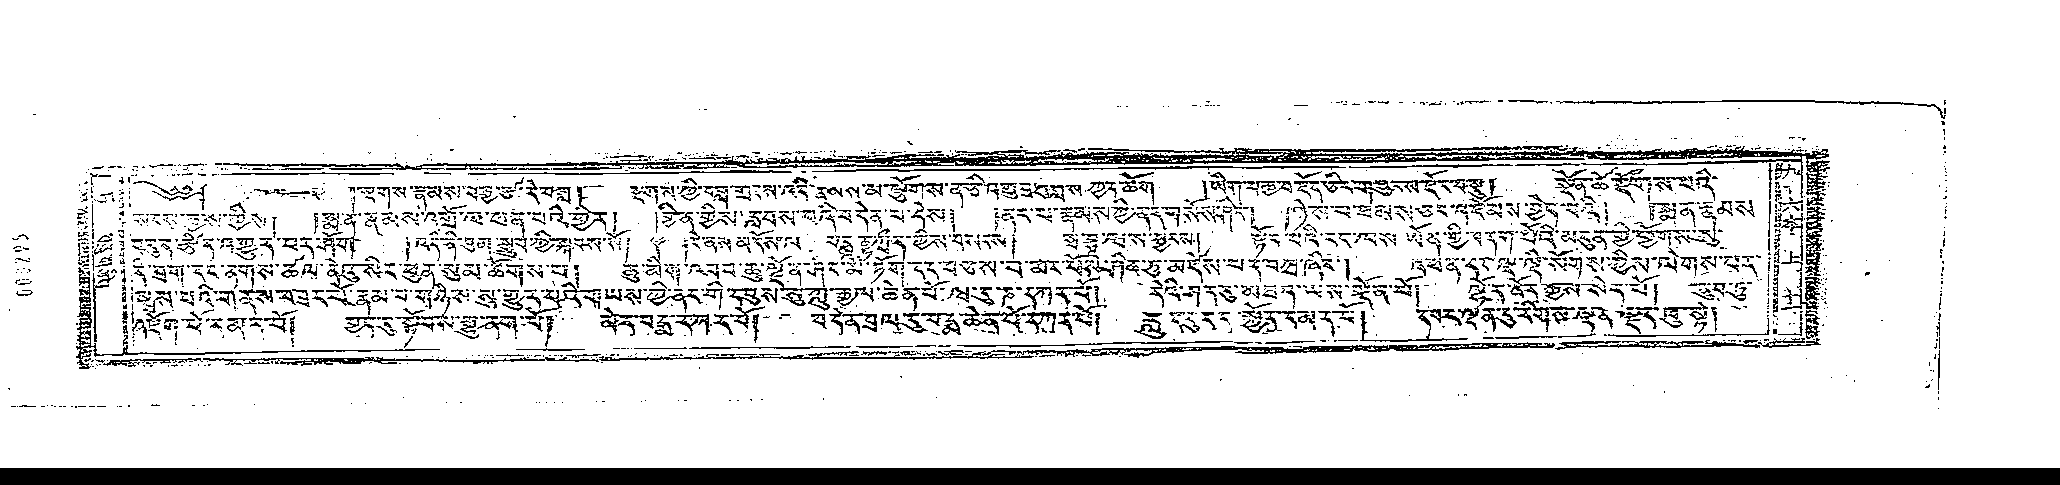༄༅། །སྔགས་རྣམས་བརྒྱ་རྩ་དེ་བཟླ། །སྔགས་ཀྱི་བཟླ་གྲངས་འདི་རྣམས་མ་ལྕོགས་ན་ཅི་འགྲུབ་བཟླས་ཀྱབ་ཆོག །ཡིག་བརྒྱ་བརྡོང་ཅིང་གཟུངས་རྡོར་བསྡུ། སྔོན་ཚེ་རྫོགས་པའི།
སངས་རྒྱས་ཀྱིས། །སྨན་རྣམས་འགྲོ་ལ་ཕན་པའི་ཕྱིར། ཁྱིན་གྱིས་རླབས་པའི་བདེན་པ་ངེས། །ནད་པ་རྣམས་ཀྱི་ནད་གསོས་ཤིང་། །ཉེས་པ་ཐམས་ཅད་འཇོམས་བྱེད་པའི། །སྨན་རྣམས།
བདུད་རྩིར་འགྱུར་བར་ཤོག །འདི་ནི་བུམ་སྒྲུབ་ཀྱི་སྐབས་སོ། ༈ དེ་ནས་མདོས་ལ་པདམ་ནྟ་ཀྲྀད་ཀྱིས་བསངས། སྭ་བྷཱ་ཝས་སྦྱངས། སྟོད་པའི་དང་ལས་ཡོན་གྱི་བདག་པོའི་མདུན་གྱི་ཕྱོགས་སུ་
རི་བྲག་དང་ནགས་ཚལ་ནེའུ་སིང་ཕུན་སུམ་ཚོགས་པ། ཆུ་མིག་འབབ་ཆུ་ལྗོན་ཤིང་མེ་ཏོག་དང་བཅས་པ་མང་པོས་ཤིན་ཏུ་མཛེས་པར་བཀྲ་ཞིང་། འཕན་དང་ལྔ་ལྡི་སོགས་ཀྱིས་ལེགས་པར།
སྤྲས་པའི་གནས་བཟང་པོ་རྣམ་པ་གཉིས་སུ་གྱུར་པའི་གཡས་ཀྱི་ནང་གི་དབུས་སུ་ཀླུ་རྒྱལ་ཆེན་པོ་ཝ་རུ་ཎ་དཀར་པོ། དེའི་ཤར་དུ་མཐའ་ཡས་སྔོན་པོ། ལྷོར་ནོར་རྒྱས་སེར་པོ། ནུབ་ཏུ་
འཇོག་པོ་དམར་པོ། བྱད་དུ་སྟོབས་རྒྱུ་ནག་པོ། མེར་པདམ་དཀར་པོ། བདེན་བྲལ་དུ་པདམ་ཆེན་པོ་དཀར་པོ། རླུང་དུ་དུད་སྐྱོང་དམར་པོ། དབང་ལྡན་དུ་རིགས་ལྡན་ལྗང་ཁུ་སྟེ།